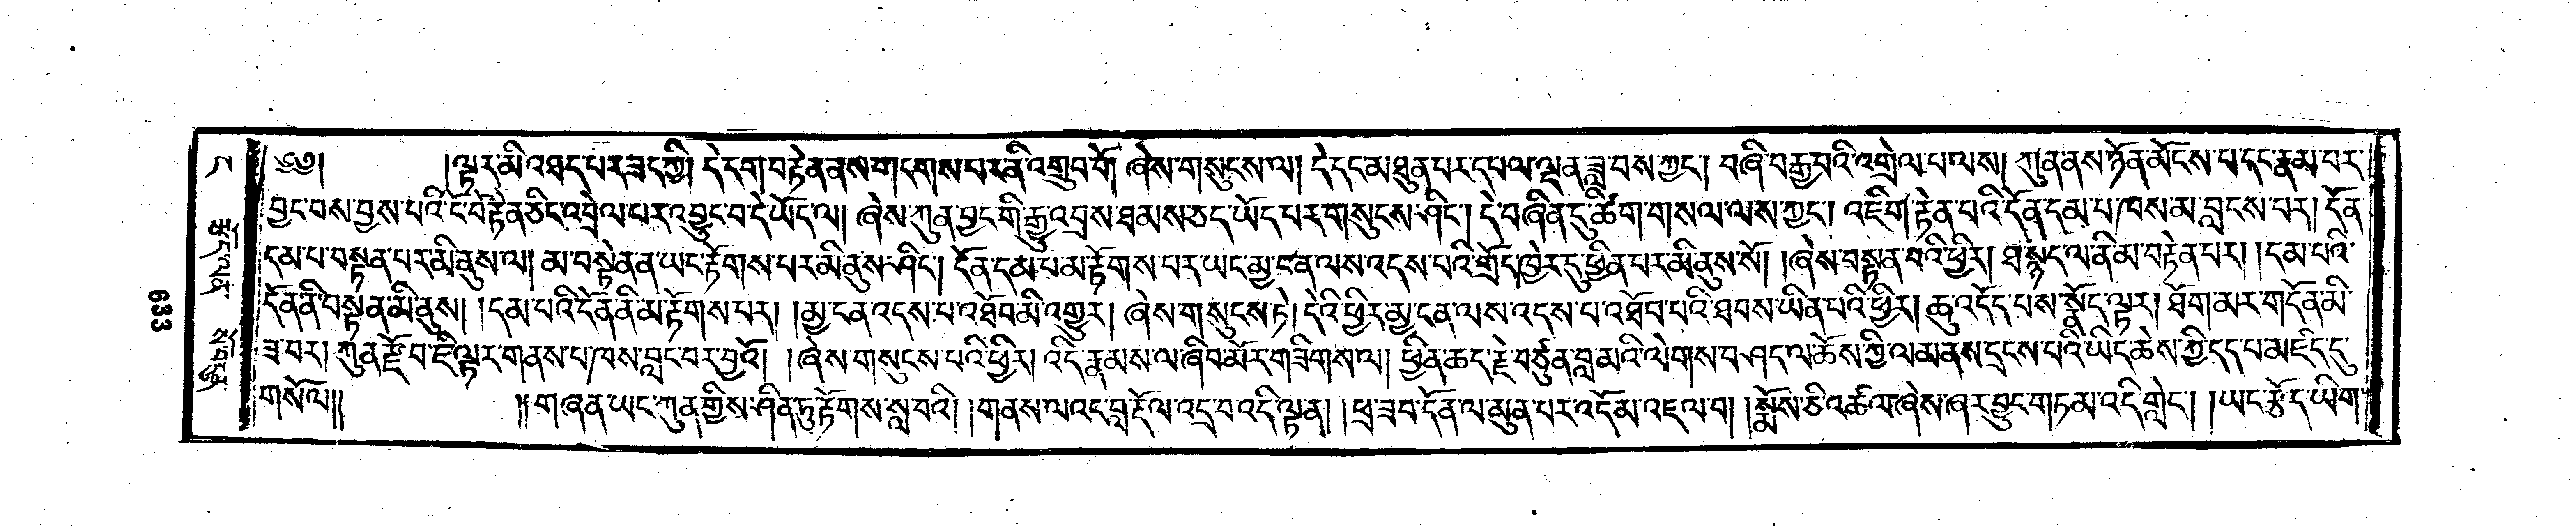༄༅། །ལྟར་མི་འཐད་པར་ཟད་ཀྱི། དེ་དག་བརྟེན་ནས་གདགས་པར་ནི་འགྲུབ་བོ། ཞེས་གསུངས་ལ། དེ་དང་མཐུན་པར་དཔལ་ལྡན་ཟླ་བས་ཀྱང་། བཞི་བརྒྱ་པའི་འགྲེལ་པ་ལས། ཀུན་ནས་ཉོན་མོངས་པ་དང་རྣམ་པར་
བྱང་བས་བྱས་པའི་ངོ་བོ་རྟེན་ཅིང་འབྲེལ་པར་འབྱུང་བ་དེ་ཡོད་ལ། ཞེས་ཀུན་བྱང་གི་རྒྱུ་འབྲས་ཐམས་ཅད་ཡོད་པར་གསུངས་ཤིང་། དེ་བཞིན་དུ་ཚིག་གསལ་ལས་ཀྱང་། འཇིག་རྟེན་པའི་དོན་དམ་པ་ཁས་མ་བླངས་པར། དོན་
དམ་པ་བསྟན་པར་མི་ནུས་ལ། མ་བསྟེན་ན་ཡང་རྟོགས་པར་མི་ནུས་ཤིང་། དོན་དམ་པ་མ་རྟོགས་པར་ཡང་མྱ་ངན་ལས་འདས་པའི་གྲོང་ཁྱེར་དུ་ཕྱིན་པར་མི་ནུས་སོ། །ཞེས་བསྟན་པའི་ཕྱིར། ཐ་སྙད་ལ་ནི་མ་བརྟེན་པར། །དམ་པའི་
དོན་ནི་བསྟན་མི་ནུས། །དམ་པའི་དོན་ནི་མ་རྟོགས་པར། །མྱ་ངན་འདས་པ་འཐོབ་མི་འགྱུར། ཞེས་གསུངས་ཏེ། དེའི་ཕྱིར་མྱ་ངན་ལས་འདས་པ་འཐོབ་པའི་ཐབས་ཡིན་པའི་ཕྱིར། ཆུ་འདོད་པས་སྣོད་ལྟར། ཐོག་མར་གདོན་མི་
ཟ་དང་། ཀུན་རྫོབ་ཇི་ལྟར་གནས་པ་ཁས་བླང་བར་བྱའོ། །ཞེས་གསུངས་པའི་ཕྱིར། འདི་རྣམས་ལ་ཞིབ་མོར་གཟིགས་ལ། ཕྱིན་ཆད་རྗེ་བཙུན་བླ་མའི་ལེགས་བཤད་ལ་ཆོས་ཀྱི་ལམ་ནས་དྲངས་པའི་ཡིད་ཆེས་ཀྱི་དད་པ་མཛད་དུ་
གསོལ།། །།གཞན་ཡང་ཀུན་གྱིས་ཤིན་ཏུ་རྟོགས་སླ་བའི། །གནས་ལའང་བླ་རྡོལ་འདྲ་བ་འདི་ལྟ་ན། །ཕྲ་ཟབ་དོན་ལ་མུན་པར་འདོམ་འཇལ་བ། །སྨོས་ཅི་འཚལ་ཞེས་ཞར་བྱུང་གཏམ་འདི་གླེང་། །ཡང་རྩོད་ཡིག་